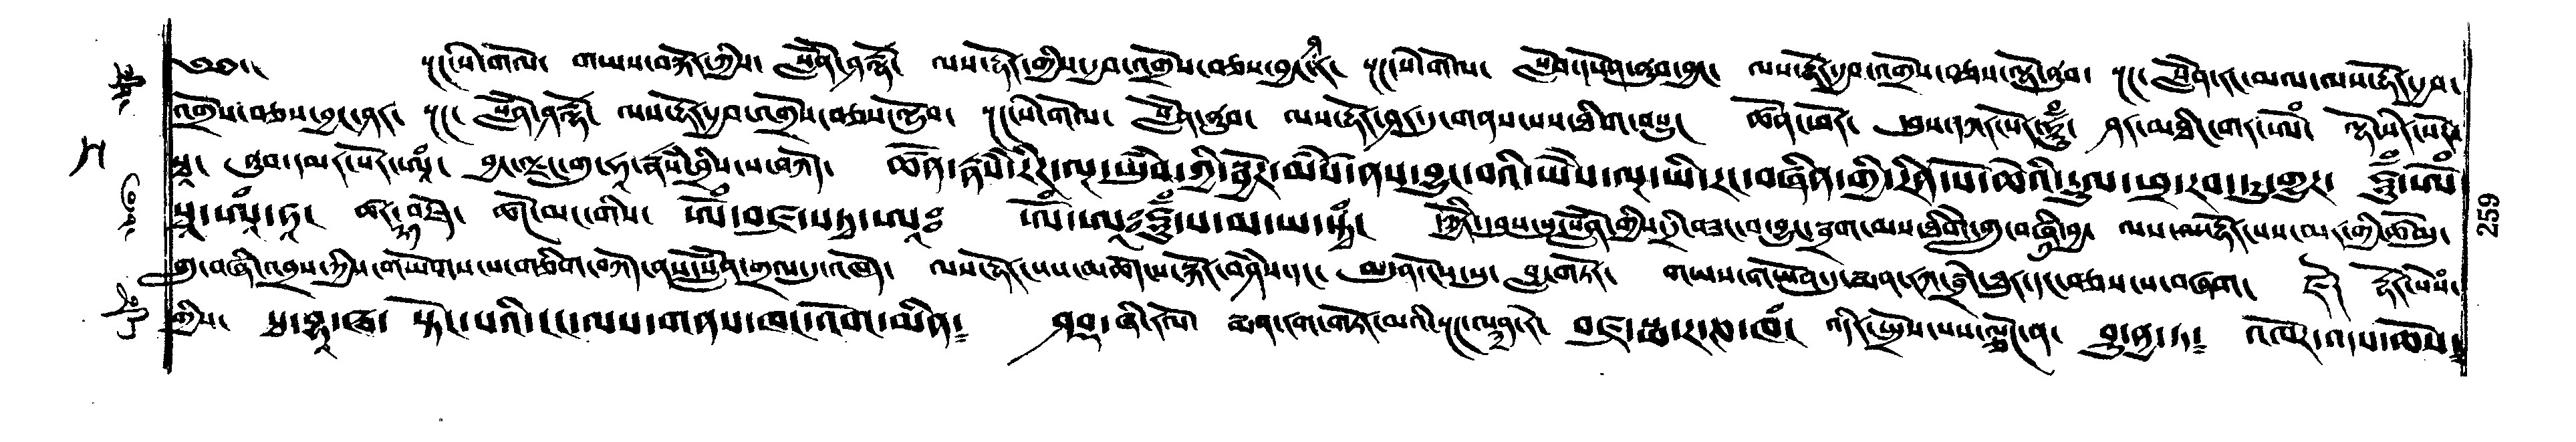སྔགས་སེ་གོལ། གཡས་བསྐོར་ཀྱིས་སློབ་དཔོན་ཤར་ལྷོ། ལས་རྡོར་གྱིས་རྒྱབ་འགྲོས་བཅས་བྱང་ཤར། སྔགས་སེ་གོལ། སློབ་དཔོན་ནུབ་བྱང་། ལས་རྡོར་རྒྱབ་འགྲོས་བཅས་ལྷོ་ནུབ། སྔགས་དང་སེ་གོལ། སློབ་དཔོན་རང་མལ། ལས་རྡོར་རྒྱབ་
འགྲོས་བཅས་བྱང་ཤར། སྔགས་དང་སེ་གོལ། སློབ་དཔོན་ཤར་ལྷོ། ལས་རྡོར་རྒྱབ་འགྲོས་བཅས་ལྷོ་ནུབ། སྔགས་དང་སེ་གོལ། སློབ་དཔོན་ནུབ། ལས་རྡོར་ཤར་དུ་གནས་པས་ཐིག་བསྡུ། ཚོན་ཕོར་དབུས་དཀར་པོར་ཧཱུྃ། ཤར་མཐིང་གར་ཨོཾ། ལྷོ་སེར་པོར་
སྭ། ནུབ་དམར་པོ་ཨཱཾ། བྱང་ལྗང་གུར་ཧཱ་རྣམས་བྲིས་པ་དགོད། ཚོན་རྣམས་རིགས་ལྔ་ཡབ་ཡུམ་གྱི་སྦྱོར་མཚམས་ནས་བྱུང་བའི་ཡེ་ཤེས་ལྔ་ཡི་རང་བཞིན་གྱི་རིན་པོ་ཆེའི་རྡུལ་ཕྲ་རབ་ཏུ་གྱུར། ཧཱུྃ་ཨོཾ་
སྭ་ཨཱཾ་ཧཱཿ ཚར་ཉེར་གཅིག་བརྗོད། ཚོགས་མང་གིས། ཨོཾ་བཛྲ་སཏྭ་ཨཱཿ ཨོཾ་ཨཱཿཧཱུྃ་ས་མ་ཡ་སྟྭཾ། དཀྱིལ་འཁོར་དབུས་སུ་སློབ་དཔོན་གྱིས་དྲི་བཟང་བ་བྱུང་སྦྲགས་མས་ཐིག་ལེ་གྲུ་བཞི་གཅིག་བྱ། ལས་རྡོར་པས་མར་གྱི་ཚོམ་བུ་
གྲུ་བཞི་འབྲས་ཀྱིས་གཡོགས་པ་གཅིག་བཀོད་ནས་སློབ་དཔོན་གྲལ་དུ་འཁོད།ལས་རྡོར་པས་མཆོད་པ་སྐོར་བཤམ་དང་། མདུན་ངོས་སུ་བླ་གཏོར། གཡས་གཡོན་དུ་སྨན་རཀ་སྦྲེང་ཐུར་དང་བཅས་པ་གཞག རྡོར་སེམས་
གྱི། སྭ་བྷཱ་ཝ༴ སྟོང་པའི་ངང་ལས་གནས་ཁང་འོག་མིན༴ ཤབྡ༴ ཞི་རོལ། སྨན་རཀ་གཏོར་མའི་སྔགས་ལན་གསུམ་རེ། བཛྲ་སྥ་ར་ཎ་ཁཾ། འདིར་སྤྲོས་པས་ལྕོགས་ན། ཤུ་ནྱ་ཏ༴ འཁོར་འདས་ཆོས༴